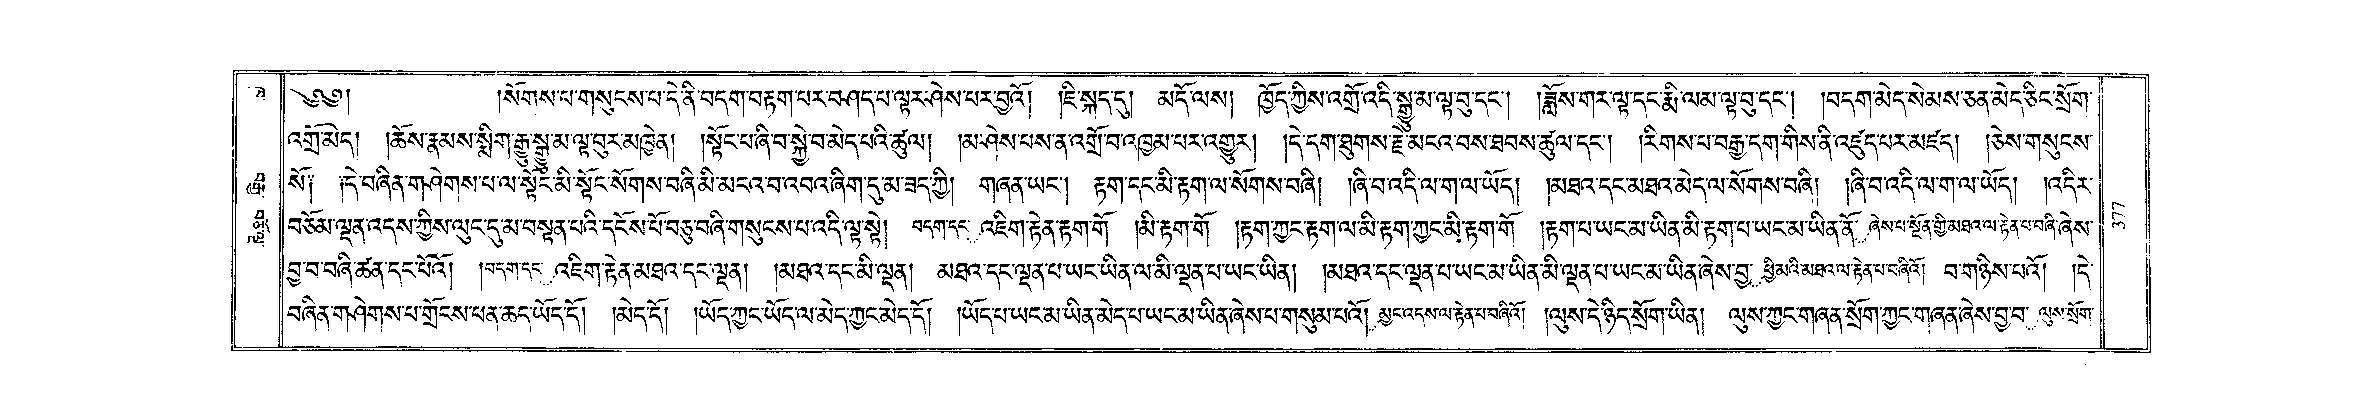༄༅། །སོགས་པ་གསུངས་པ་དེ་ནི་བདག་བརྟག་པར་བཤད་པ་ལྟར་ཤེས་པར་བྱའོ། །ཇི་སྐད་དུ། མདོ་ལས། ཁྱོད་ཀྱིས་འགྲོ་འདི་སྒྱུ་མ་ལྟ་བུ་དང་། །ཟློས་གར་ལྟ་དང་རྨི་ལམ་ལྟ་བུ་དང་། །བདག་མེད་སེམས་ཅན་མེད་ཅིང་སྲོག་
འགྲོ་མེད། །ཆོས་རྣམས་སྨིག་རྒྱུ་སྒྱུ་མ་ལྟ་བུར་མཁྱེན། །སྟོང་པ་ཞི་བ་སྐྱེ་བ་མེད་པའི་ཚུལ། །མ་ཤེས་པས་ན་འགྲོ་བ་འཁྱམ་པར་འགྱུར། །དེ་དག་ཐུགས་རྗེ་མངའ་བས་ཐབས་ཚུལ་དང་། །རིགས་པ་བརྒྱ་དག་གིས་ནི་འཛུད་པར་མཛད། །ཅེས་གསུངས་
སོ༑ ༑དེ་བཞིན་གཤེགས་པ་ལ་སྟོང་མི་སྟོང་སོགས་བཞི་མི་མངའ་བ་འབའ་ཞིག་དུ་མ་ཟད་ཀྱི། གཞན་ཡང་། རྟག་དང་མི་རྟག་ལ་སོགས་བཞི། །ཞི་བ་འདི་ལ་ག་ལ་ཡོད། །མཐའ་དང་མཐའ་མེད་ལ་སོགས་བཞི། །ཞི་བ་འདི་ལ་ག་ལ་ཡོད། །འདིར་
བཅོམ་ལྡན་འདས་ཀྱིས་ལུང་དུ་མ་བསྟན་པའི་དངོས་པོ་བཅུ་བཞི་གསུངས་པ་འདི་ལྟ་སྟེ། བདག་དང་འཇིག་རྟེན་རྟག་གོ །མི་རྟག་གོ །རྟག་ཀྱང་རྟག་ལ་མི་རྟག་ཀྱང་མི་རྟག་གོ །རྟག་པ་ཡང་མ་ཡིན་མི་རྟག་པ་ཡང་མ་ཡིན་ནོ་ཞེས་པ་སྔོན་གྱི་མཐའ་ལ་རྟེན་པ་བཞི་ཞེས་
བྱ་བ་བཞི་ཚན་དང་པོའོ། །བདག་དང་འཇིག་རྟེན་མཐའ་དང་ལྡན། །མཐའ་དང་མི་ལྡན། མཐའ་དང་ལྡན་པ་ཡང་ཡིན་ལ་མི་ལྡན་པ་ཡང་ཡིན། །མཐའ་དང་ལྡན་པ་ཡང་མ་ཡིན་མི་ལྡན་པ་ཡང་མ་ཡིན་ཞེས་བྱ་ཕྱི་མའི་མཐའ་ལ་རྟེན་པ་བཞིའོ།  བ་གཉིས་པའོ། །དེ་
བཞིན་གཤེགས་པ་གྲོངས་ཕན་ཆད་ཡོད་དོ། །མེད་དོ། །ཡོད་ཀྱང་ཡོད་ལ་མེད་ཀྱང་མེད་དོ། །ཡོད་པ་ཡང་མ་ཡིན་མེད་པ་ཡང་མ་ཡིན་ཞེས་པ་གསུམ་པའོ། མྱང་འདས་ལ་རྟེན་པ་བཞིའོ།  །ལུས་དེ་ཉིད་སྲོག་ཡིན། ལུས་ཀྱང་གཞན་སྲོག་ཀྱང་གཞན་ཞེས་བྱ་བ་ལུས་སྲོག་